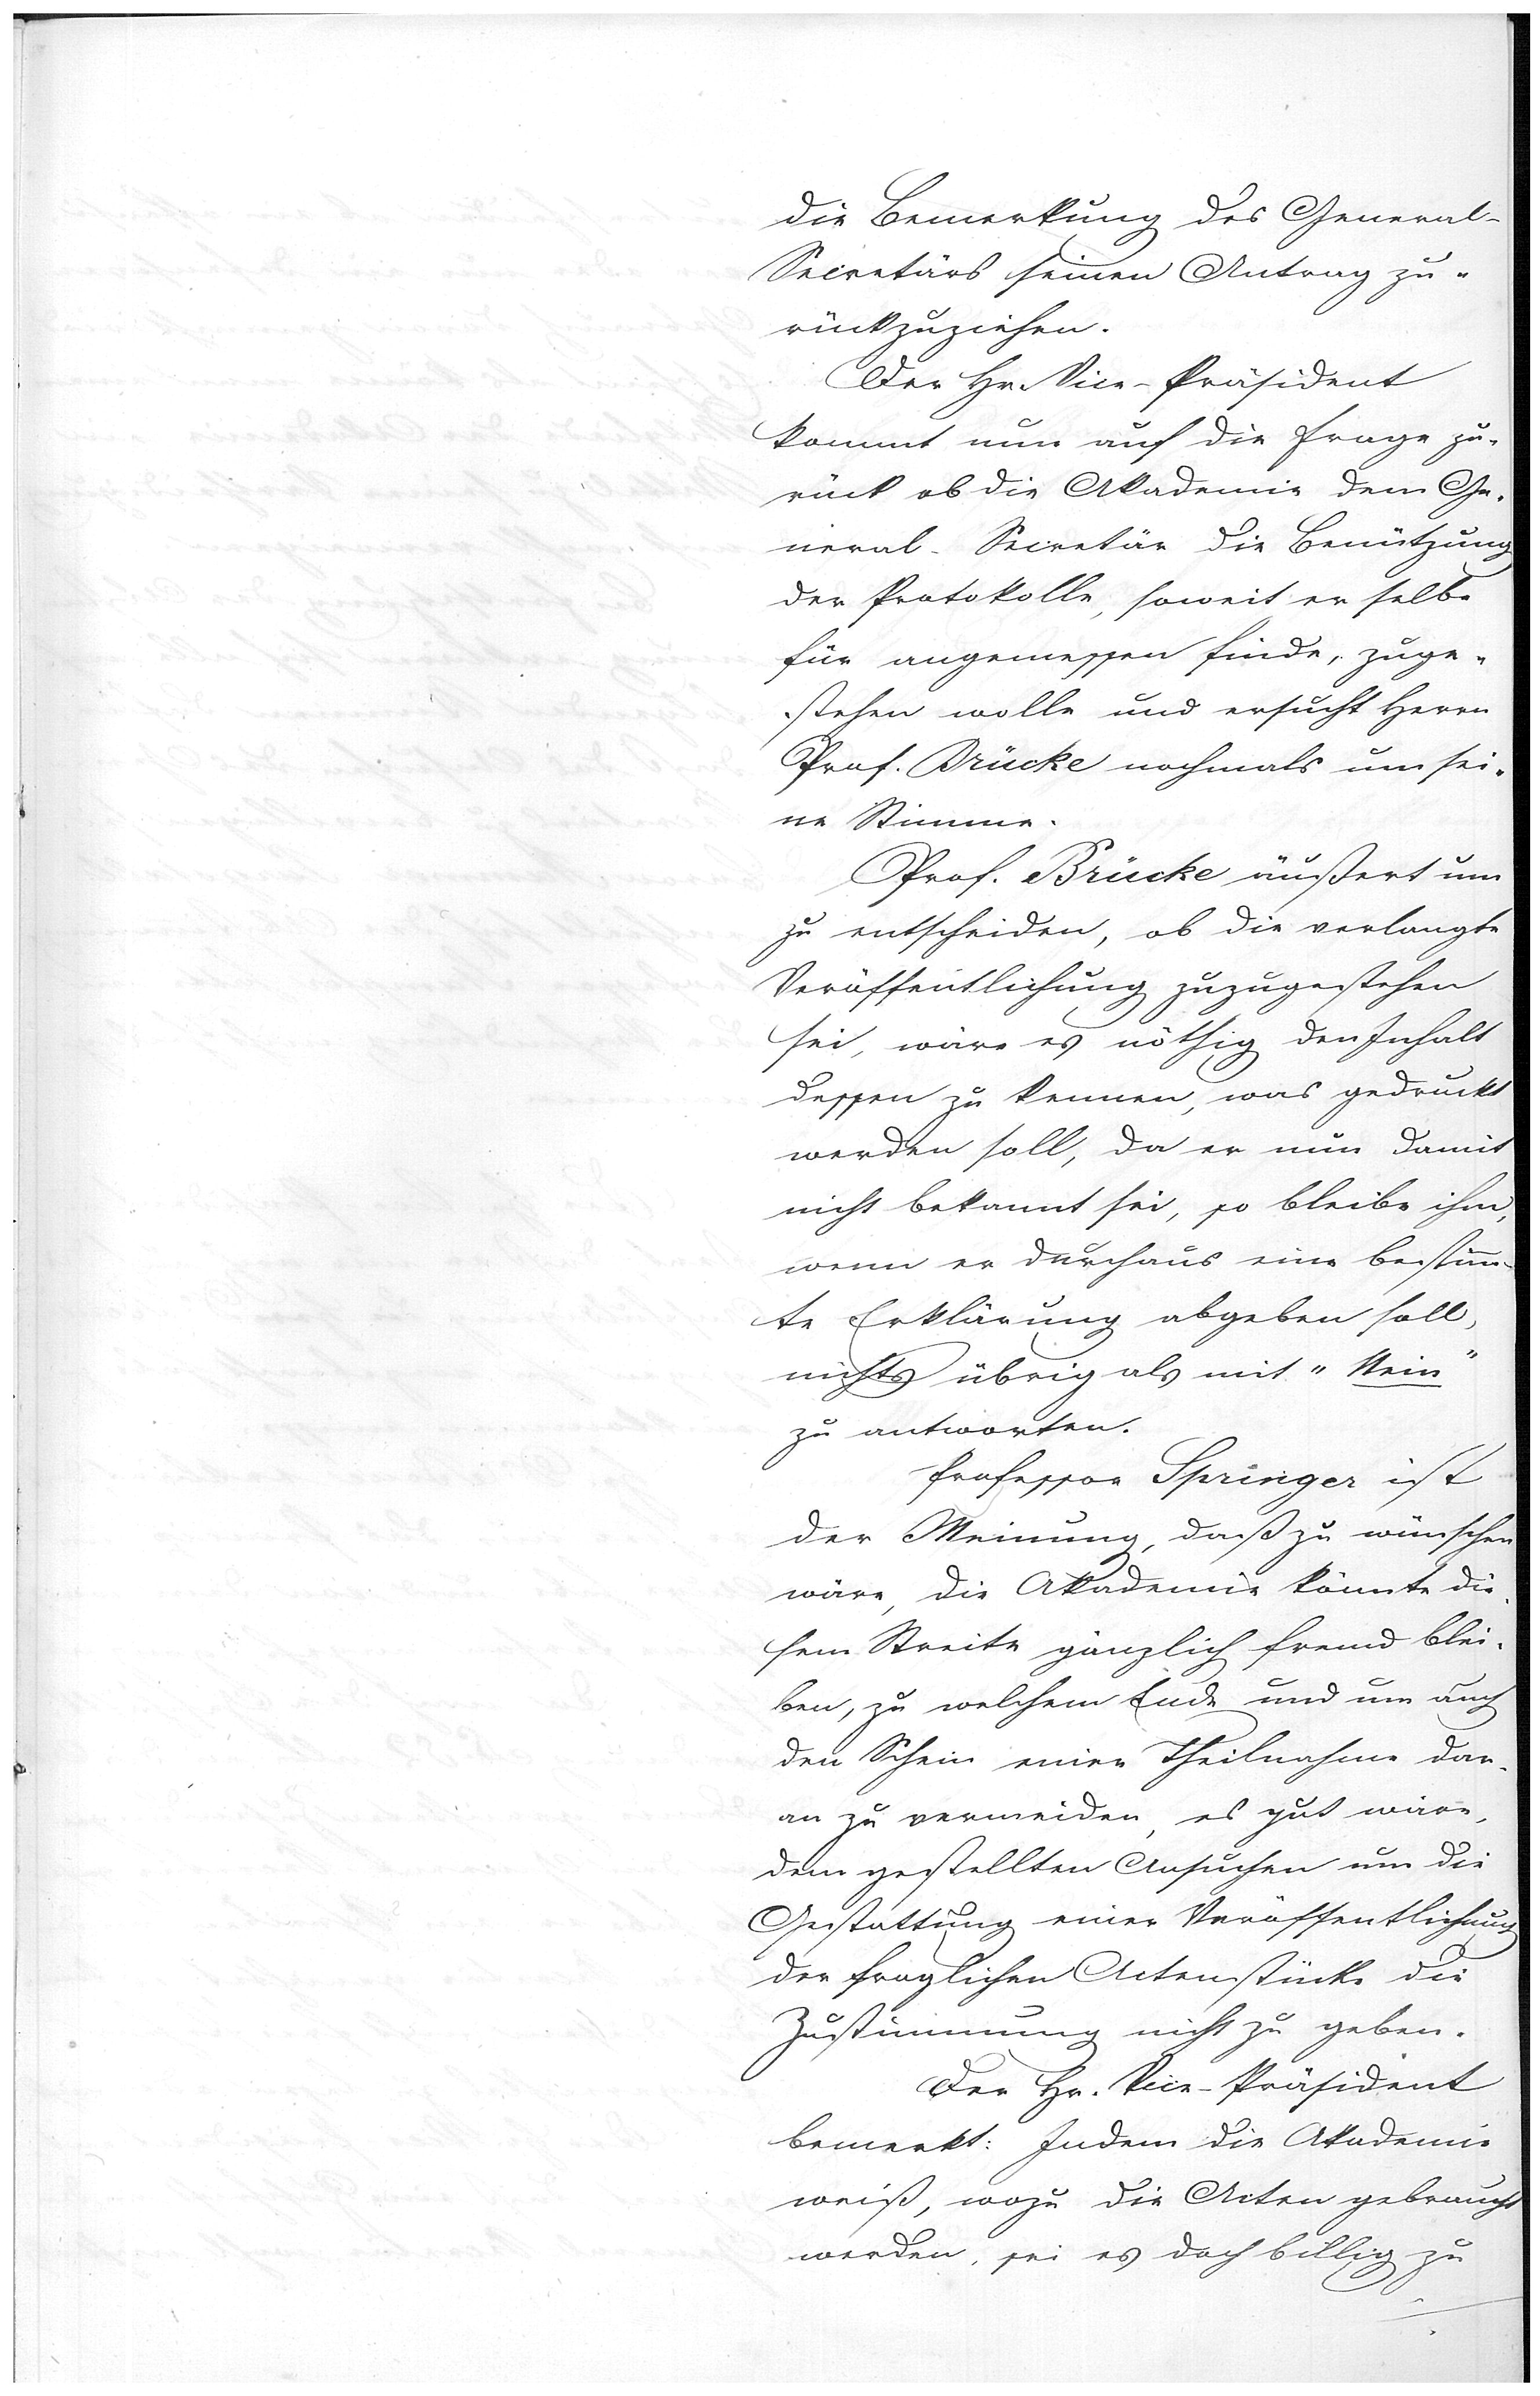die Bemerkung des General-
Secretärs seinen Antrag zu-
rückzuziehen.
Der Hr. Vice-Präsident
kommt nun auf die Frage zu-
rück ob die Akademie dem Ge-
neral-Secretär die Benützung
der Protokolle, soweit er selbe
für angemessen finde, zuge-
stehen wolle und ersucht Herrn
Prof. Brücke nochmals um sei-
ne Stimme.
Prof Brücke äußert um
zu entscheiden, ob die verlangte
Veröffentlichung zuzugestehen
sei, wäre es nöthig den Inhalt
dessen zu kennen, was gedruckt
werden soll, da er nun damit
nicht bekannt sei, so bleibe ihm,
wenn er durchaus eine bestimm-
te Erklärung abgeben soll,
nichts übrig als mit "Nein"
zu antworten.
Professor Springer ist
der Meinung, daß zu wünschen
wäre, die Akademie könnte die-
sem Streite gänzlich fremd blei-
ben, zu welchem Ende und um auch
den Schein einer Theilnahme dar-
an zu vermeiden, es gut wäre,
dem gestellten Ansuchen um die
Gestättung einer Veröffentlichung
der fraglichen Actenstücke die
Zustimmung nicht zu geben.
Der Hr. Vice-Präsident
bemerkt: Indem die Akademie
weiß, wozu die Acten gebraucht
werden, sei es doch billig zu